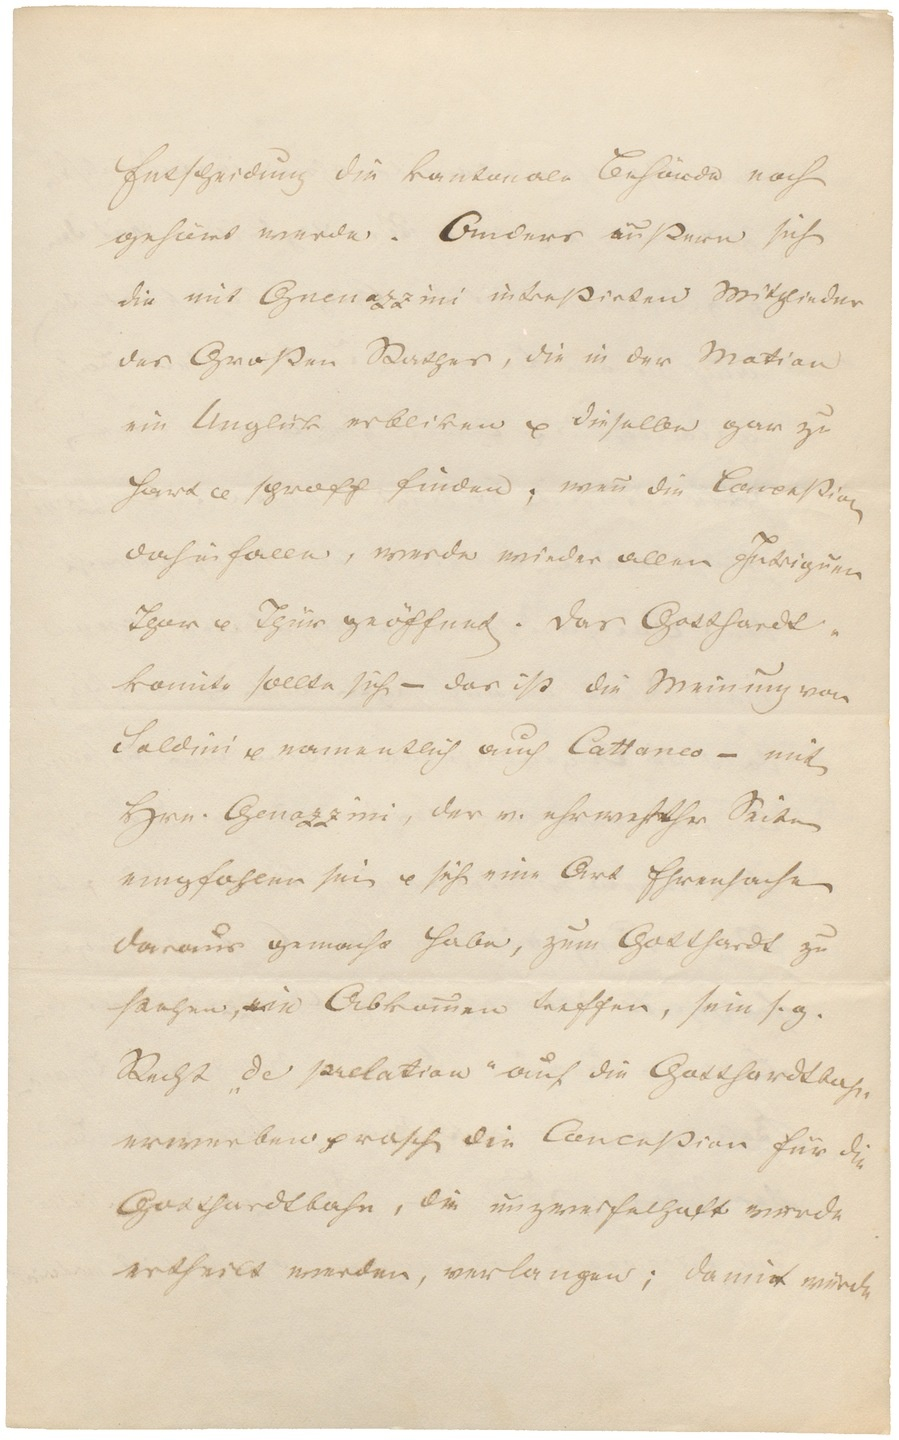Entscheidung die kantonale Behörde noch
gehört werde. Anders äußere sich
die mit Gnenazzini intreßirten Mitglieder
des Großen Rathes, die in der Motion
ein Unglük erbliken & dieselbe gar zu
hart und schroff finden; wenn die Conceßion
dahinfalle, werde wieder allen Intriguen
Thor & Thür geöffnet. Das Gotthardt -
komite sollte sich – das ist die Meinung von
Soldini & namentlich auch Cattaneo – mit
Hrn. Genazzini, der v. ehrwerther Seite
empfohlen sei & sich eine Art Ehrensache
daraus gemacht habe, zum Gotthardt zu
stehen, und ein Abkommen treffen, sein s.g.
Recht «de prelation» auf die Gotthardtbahn
erwerben & rasch die Conceßion für die
Gotthardbahn, die unzweifelhaft würde
ertheilt werden, verlangen; damit würde